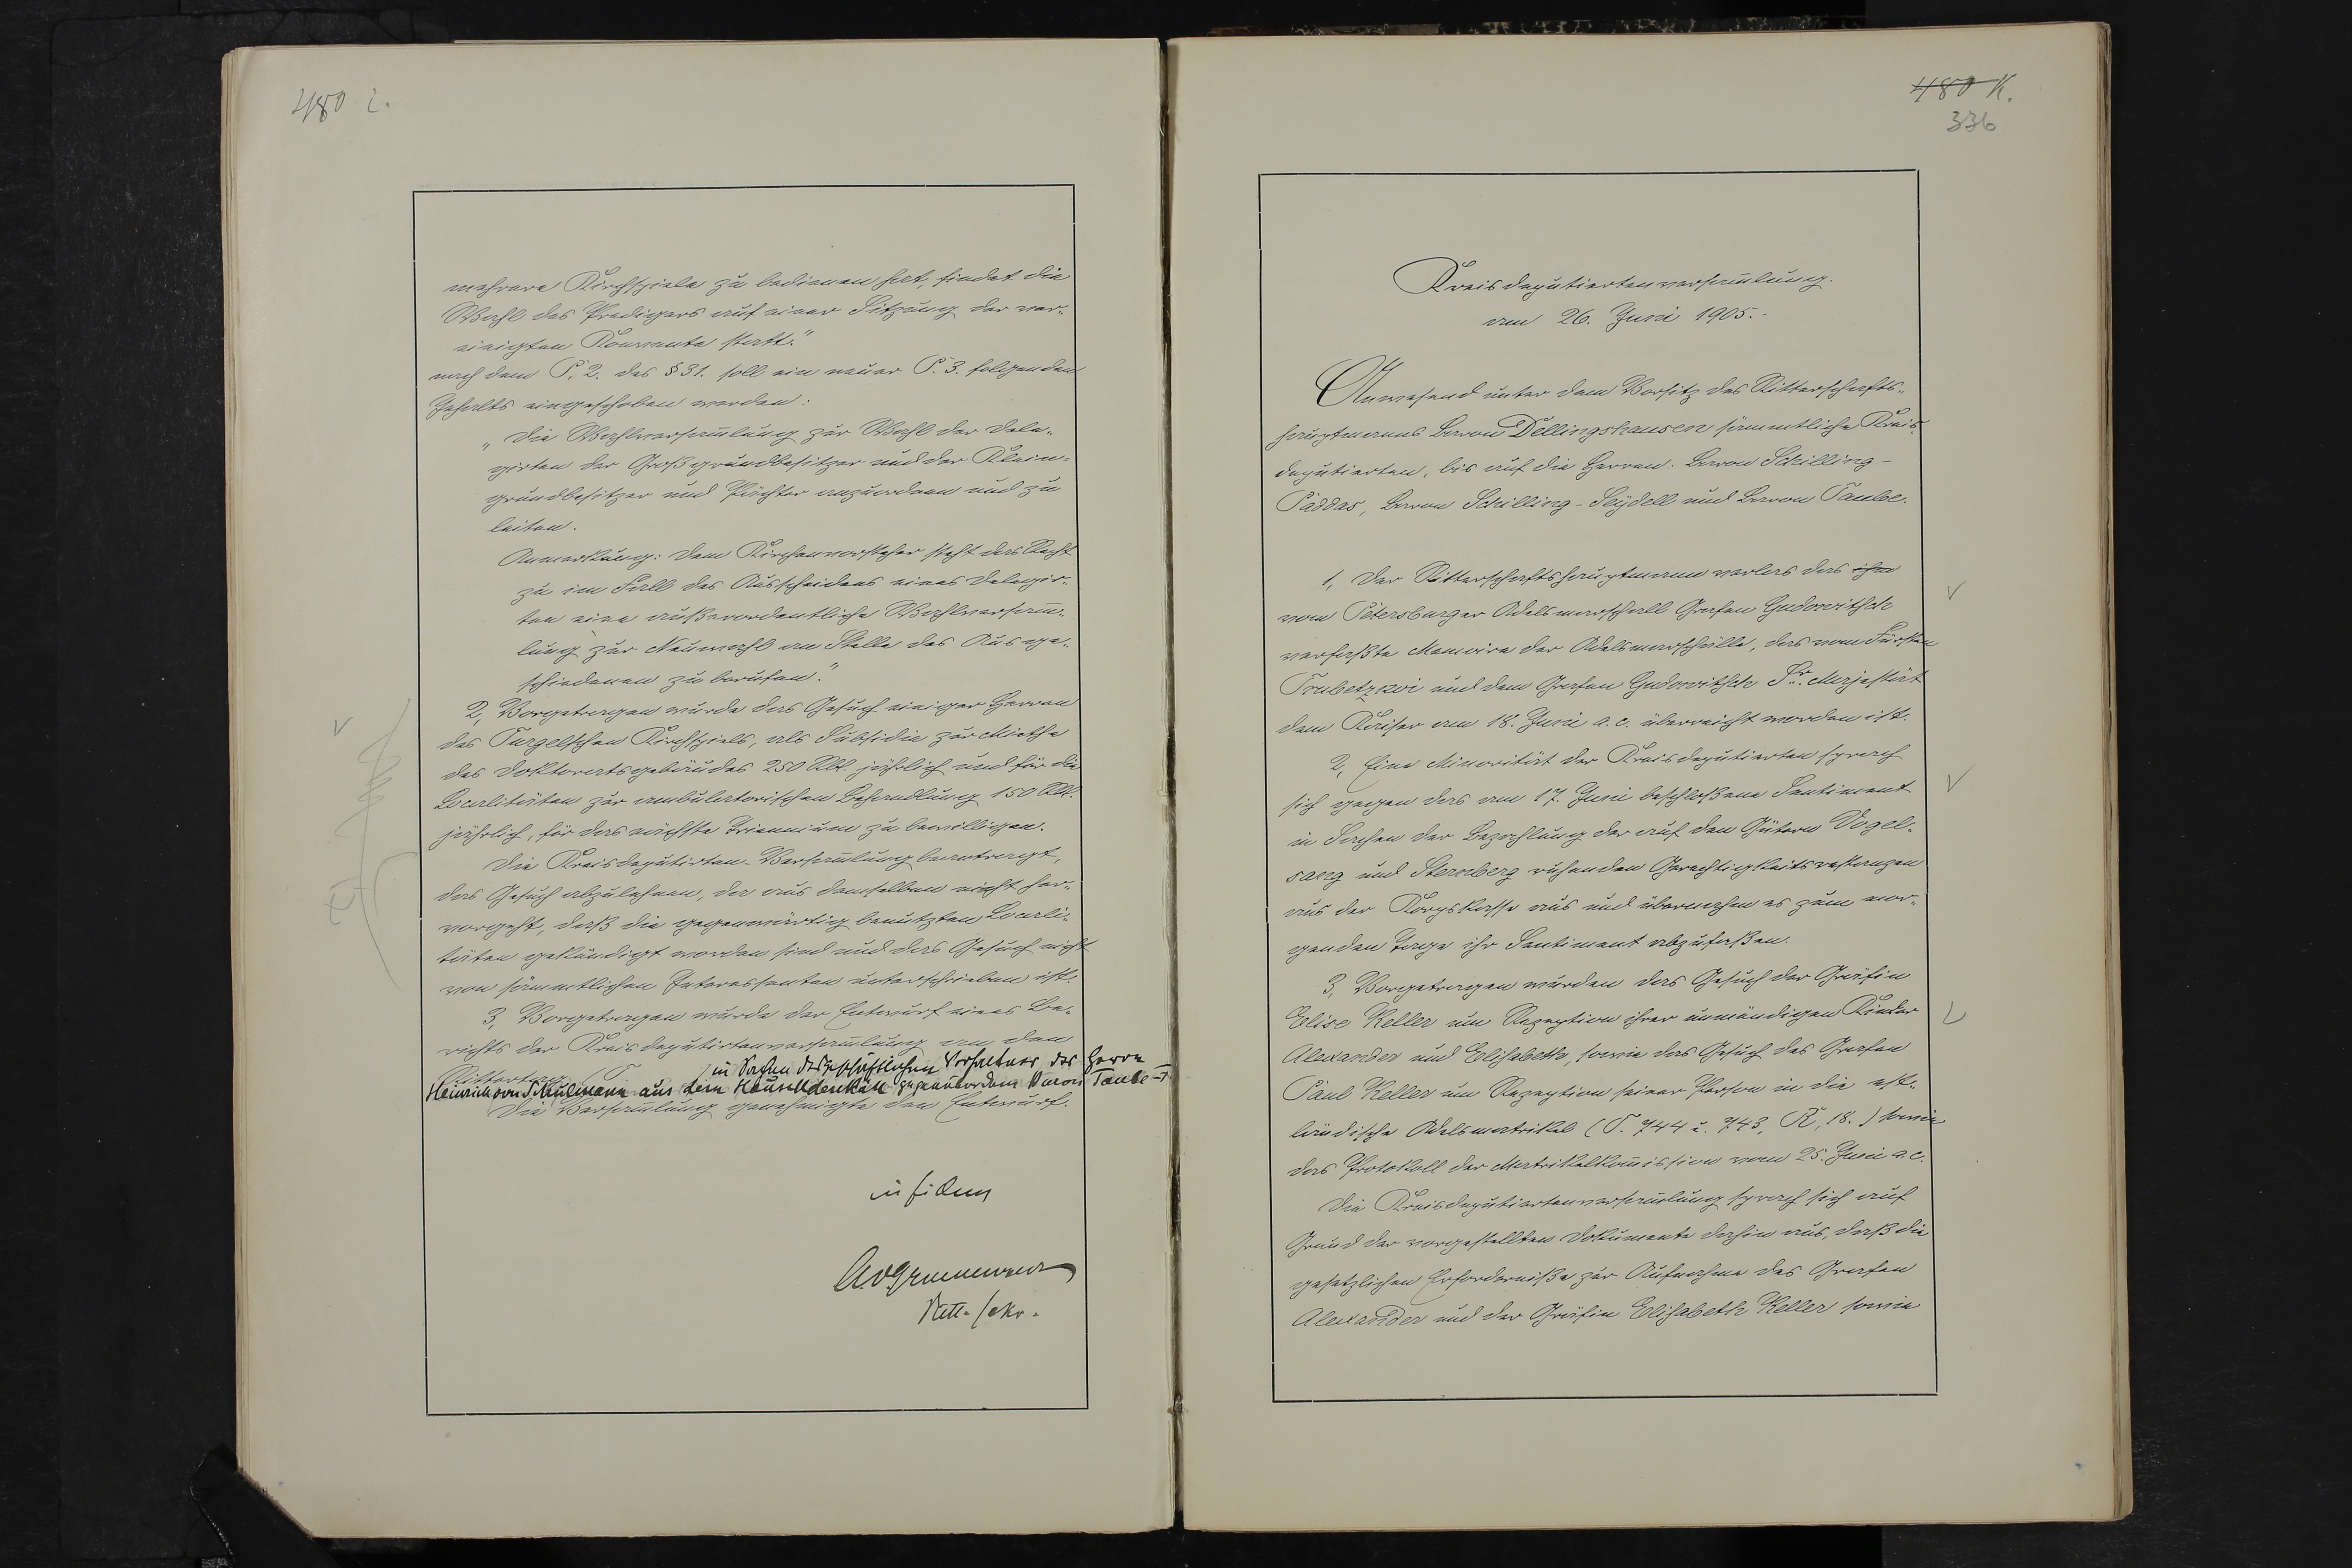mehrere Kirchspiele zu bedienen hat, findet die
Wahl des Predigers auf einer Sitzung der ver-
einigten Konvente statt.“
nach dem P. 2. des § 31. soll ein neuer P. 3. folgenden
Inhalts eingeschoben werden:
„Die Wahlversammlung zur Wahl der Dele-
girten der Großgrundbesitzer und der Klein-
grundbesitzer und Pächter anzuordnen und zu
leiten.
Anmerkung: Dem Kirchenvorsteher steht das Recht
zu im Fall des Ausscheidens eines Delegir-
ten eine außerordentliche Wahlversamm-
lung zur Neuwahl an Stelle des Ausge-
schiedenen zu berufen.“
2. Vorgetragen wurde das Gesuch einiger Herren
des Turgelschen Kirchspiels, als Subsidie zur Miethe
des Doktoratsgebäudes 250 Rbl. jährlich und für die
Localitäten zur ambulatorischen Behandlung 150 Rbl.
jährlich, für das nächste Triennium zu bewilligen.
Die Kreisdeputirten-Versammlung beantragt,
das Gesuch abzulehnen, da aus demselben nicht her-
vorgeht, daß die gegenwärtig benutzten Locali-
täten gekündigt worden sind und das Gesuch nicht
von sämmtlichen Interessenten unterschrieben ist.
3. Vorgetragen wurde der Entwurf eines Be-
richts der Kreisdeputirtenversammlung an den
Rittertag (T. ) in Sachen des geschäftlichen Verhaltens des Herrn
Heinrich von Schulmann aus dem Hause Udenküll gegenüber dem Baron Taube-F
Die Versammlung genehmigte den Entwurf.
in fidem
A.v.Gruenewaldt
Ritt. Sekr.
Kreisdeputiertenversammlung
am 26. Juni 1905.
Anwesend unter dem Vorsitz des Ritterschafts-
hauptmanns Baron Dellingshausen sämmtliche Kreis-
deputierten, bis auf die Herren: Baron Schilling-
Paddas, Baron Schilling-Seydell und Baron Taube.
1. Der Ritterschaftshauptmann verlas das ihm
vom Petersburger Adelsmarschall Grafen Gudowitsch
verfaßte Memoire der Adelsmarschälle, das vom Fürsten
Trubetzkoi und dem Grafen Gudowitsch Sr. Majestät
dem Kaiser am 18. Juni a.c. überreicht worden ist.
2. Eine Minorität der Kreisdeputierten sprach
sich gegen das am 17. Juni beschloßene Sentiment
in Sachen der Bezahlung der auf den Gütern Vogel-
sang und Sternberg ruhenden Gerechtigkeitsrestanzen
aus der Korpskasse aus und übernahm es, zum mor-
genden Tage ihr Sentiment abzufaßen.
3. Vorgetragen wurden das Gesuch der Gräfin
Elise Keller um Rezeption ihrer unmündigen Kinder
Alexander und Elisabeth, sowie das Gesuch des Grafen
Paul Keller um Rezeption seiner Person in die est-
ländische Adelsmatrikel (T.744 u.743, R.18.) sowie
das Protokoll der Matrikelkommission vom 25. Juni a.c.
Die Kreisdeputiertenversammlung sprach sich auf
Grund der vorgestellten Dokumente dahin aus, daß die
gesetzlichen Erforderniße zur Aufnahme des Grafen
Alexander und der Gräfin Elisabeth Keller sowie